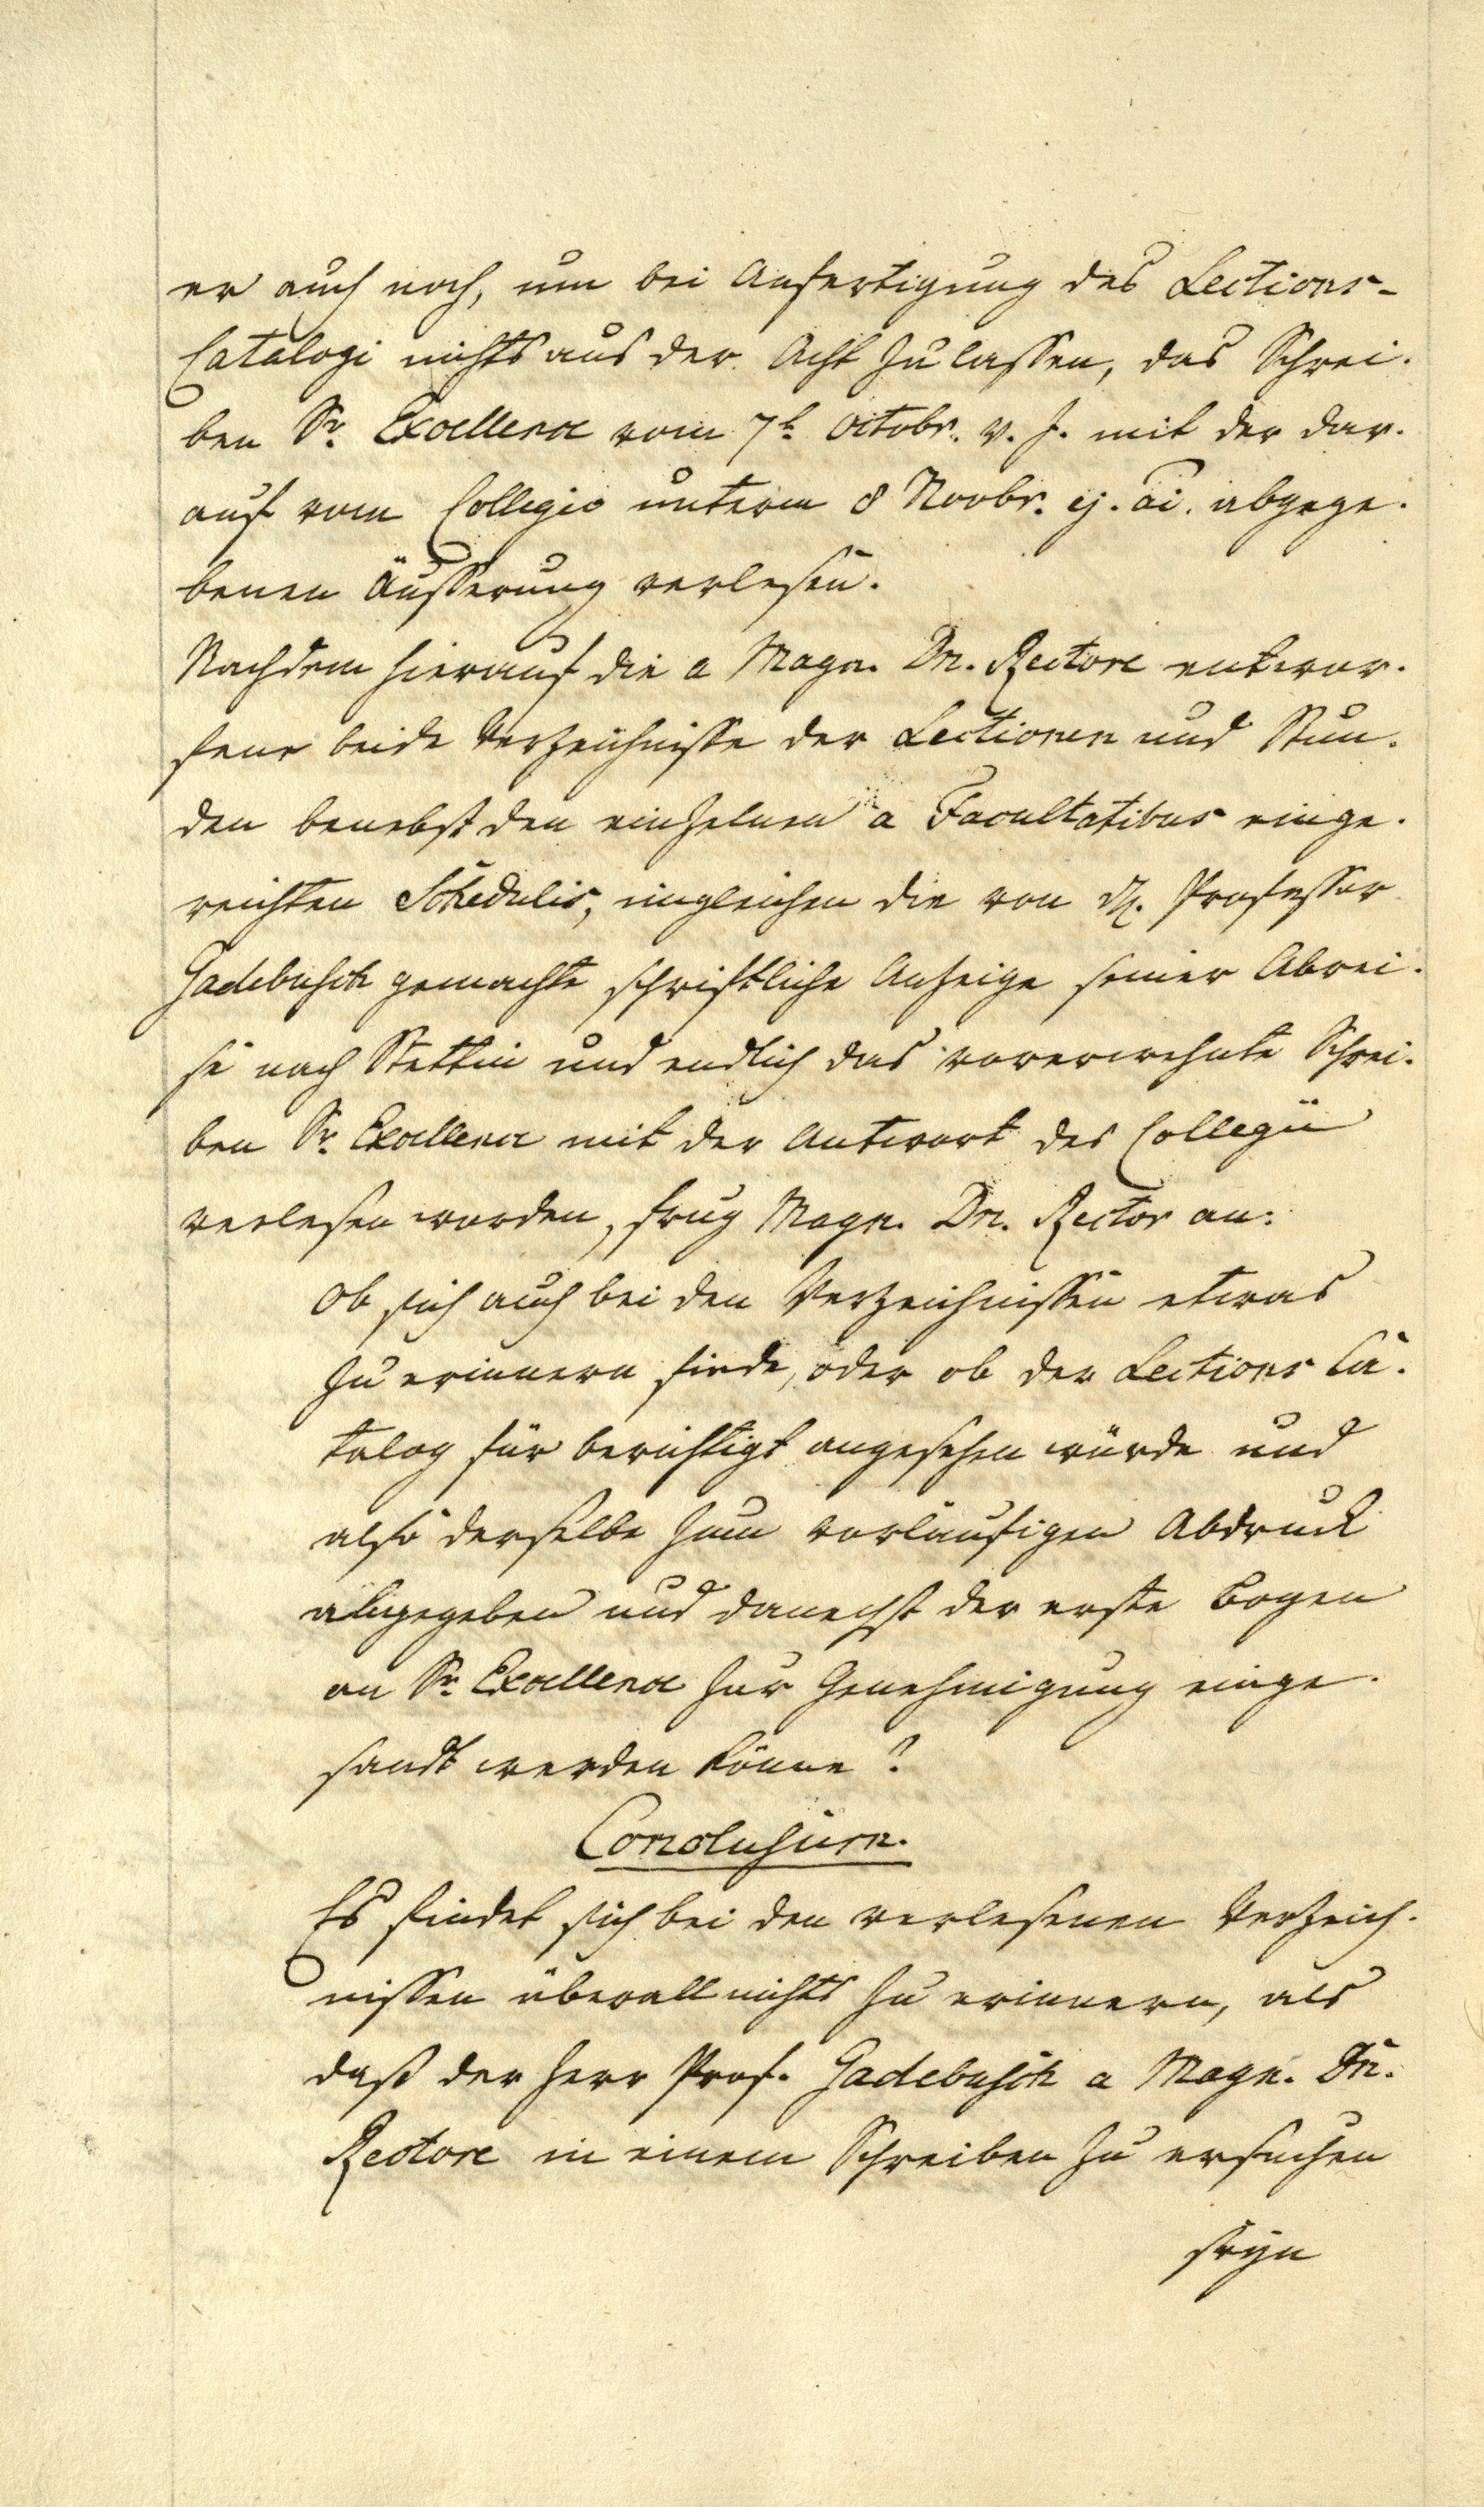er auch noch, um bei Anfertigung des Lections¬
Catalogi nichts aus der Acht zu lassen, das Schrei¬
ben Sr Excellence vom 7 t Octobr. v. J. mit der dar
auf vom Collegio unterm 8 Novbr. ej. ai, abgege¬
benen Äusserung verlesen.
Nachdem hierauf die a Magn. Dn. Rectore entwor¬
fene beide Verzeichnisse der Lectionen und Stun¬
den benebst den einzelnen Facultatibus einge¬
reichten Schedulis, imgleichen die von dh. Professor
Gadebusch gemachte schriftliche Anzeige seiner Abrei¬
se nach Stettin und endlich das vorerwehnte Schrei¬
ben Sr Excellence mit der Antwort des Collegii
verlesen worden, frug Magn. Dn. Rector an:
Ob sich auch bei den Verzeichnissen etwas
zu erinnern finde, oder ob der Lections Ca¬
talog für berichtigt angesehen würde und
also derselbe zum vorläufigen Abdruck
abgegeben und danechst der erste Bogen
an Sr Excellence zur Genehmigung einge¬
sandt werden könne?
Conclusum.
Es findet sich bei den verlesenen Verzeich¬
nissen überall nichts zu erinnern, als
daß der Herr Prof. Gadebusch a Magn. Dn.
Rectore in einem Schreiben zu ersuchen
seÿn